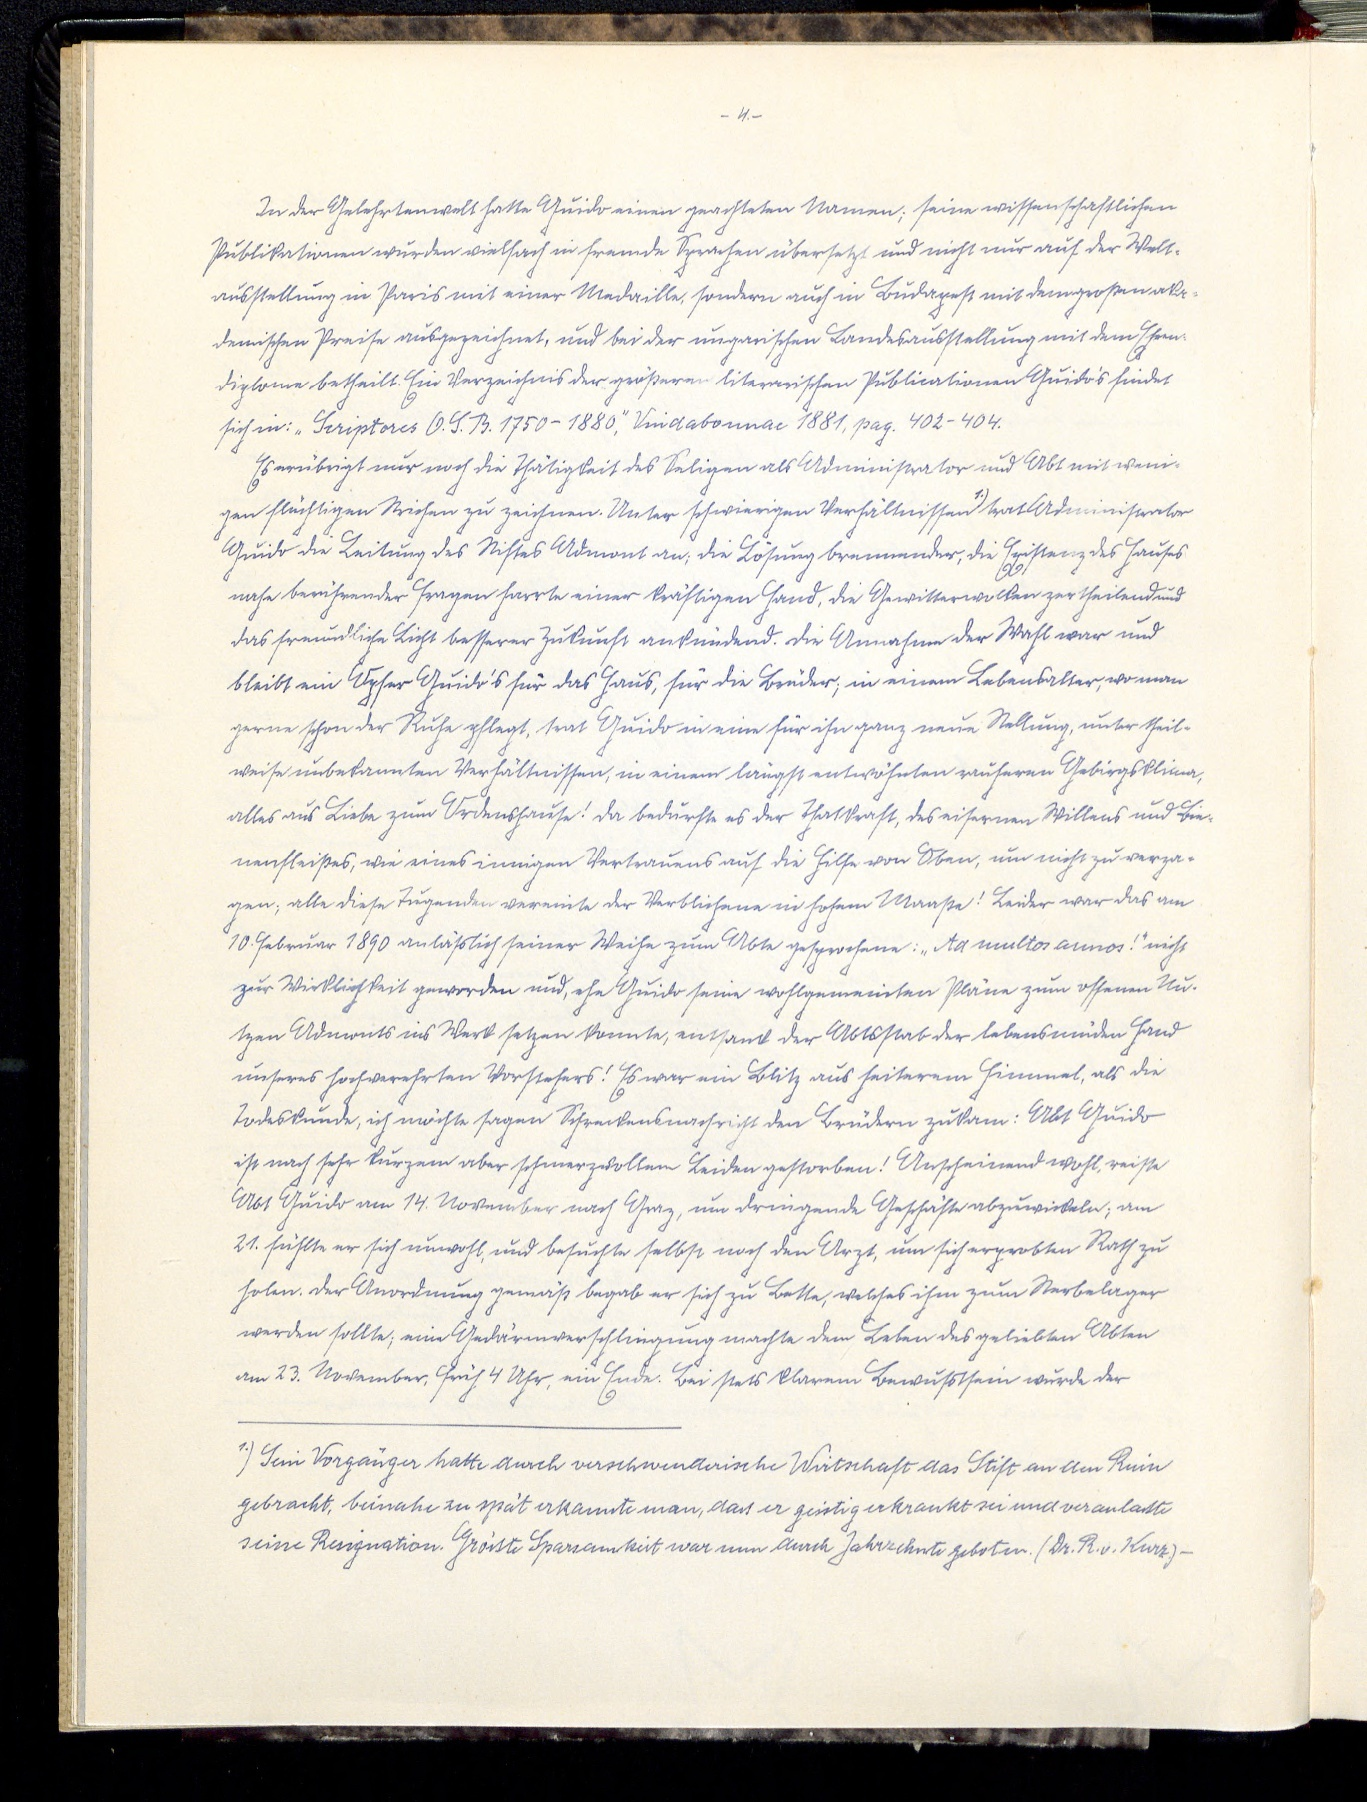-4.-
In der Gelehrtenwelt hatte Guido einen geehrten Namen; seine wissenschaftlichen
Publikationen wurden vielfach in fremde Sprachen übersetzt und nicht nur auf der Welt-
ausstellung in Paris mit einer Medaille, sondern auch in Budapest mit dem großen aka-
demischen Preise ausgezeichnet, und bei der ungarischen Landesausstellung mit dem Ehren-
diplom betheilt. Ein Verzeichnis der größeren literarischen Publicationen Guido's findet
sich in: "Scriptores O. S. B. 1750-1880," Vindabonae 1881, pag. 402-404.
Es erübrigt nur noch die Thätigkeit des Seligen als Administrator und Abt mit weni-
gen flüchtigen Strichen zu zeichnen. Unter schwierigen Verhältnissen1.) trat Administrator
Guido die Leitung des Stiftes Admont an; die Lösung brennender, die Existenz des Hauses
nahe berührender Fragen harrte einer kräftigen Hand, die Gewitterwolken zertheilend und
das freundliche Licht besserer Zukunft ankündend. Die Annahme der Wahl war und
bleibt ein Opfer Guido's für das Haus, für die Brüder; in einem Lebensalter, wo man
gerne schon der Ruhe pflegt, trat Guido in eine für ihn ganz neue Stellung, unter theil-
weise unbekannten Verhältnissen, in einem längst entwöhnten rauheren Gebirgsklxxx,
alles aus Liebe zum Ordenshause! Da bedurfte es der Thatkraft, des eisernen Willens und Bie-
nenfleißes, wie eines innigen Vertrauens auf die Hilfe von Oben, um nicht zu verza-
gen; alle diese Tugenden vereinte der Verblichenen in solchem Maaß! Leider war das am
10. Februar 1890 anlässlich seiner Weihe zum Abte gesprochene: "Ad multos annos!" nicht
zur Wirklichkeit geworden und, ehe Guido seine wohlgemeisterten Plan zum offenen Nu-
tzen Admonts ins Werk setzen konnte, entsank der Abtsstab der lebensmüden Hand
unseres hochverehrten Vorstehers! Es war ein Blitz aus heiterem Himmel, als die
Todeskunde, ich möchte sagen Schreckensnachricht den Brüdern zukam: Abt Guido
ist nach sehr kurzem aber schmerzvollem Leiden gestorben! Anscheinend wohl, reiste
Abt Guido am 14. November nach Graz, um dringende Geschäfte abzuwickeln; am
21. fühlte er sich unwohl, und besuchte selbst noch den Arzt, um sich erprobten Rath zu
holen. Der Anordnung gemäß begab er sich Bette, welches ihm zum Sterbelager
werden sollte; eine Gedärmeverschlingung machte dem Leben des geliebten Abten
am 23. November, Früh 4 Uhr, ein Ende. Bei stets klarem Bewusstsein wurde der
1.) Sein Vorgänger hatte durch verschwenderische Wirtschaft das Stift an den Ruin
gebracht, beinahe zu spät erkannte man, dass er geistig erkrankt sei und veranlasste
seine Resignation. Grösste Sparsamkeit war nun durch Jahrzehnte geboten. (Dr. R. v/Karz.)